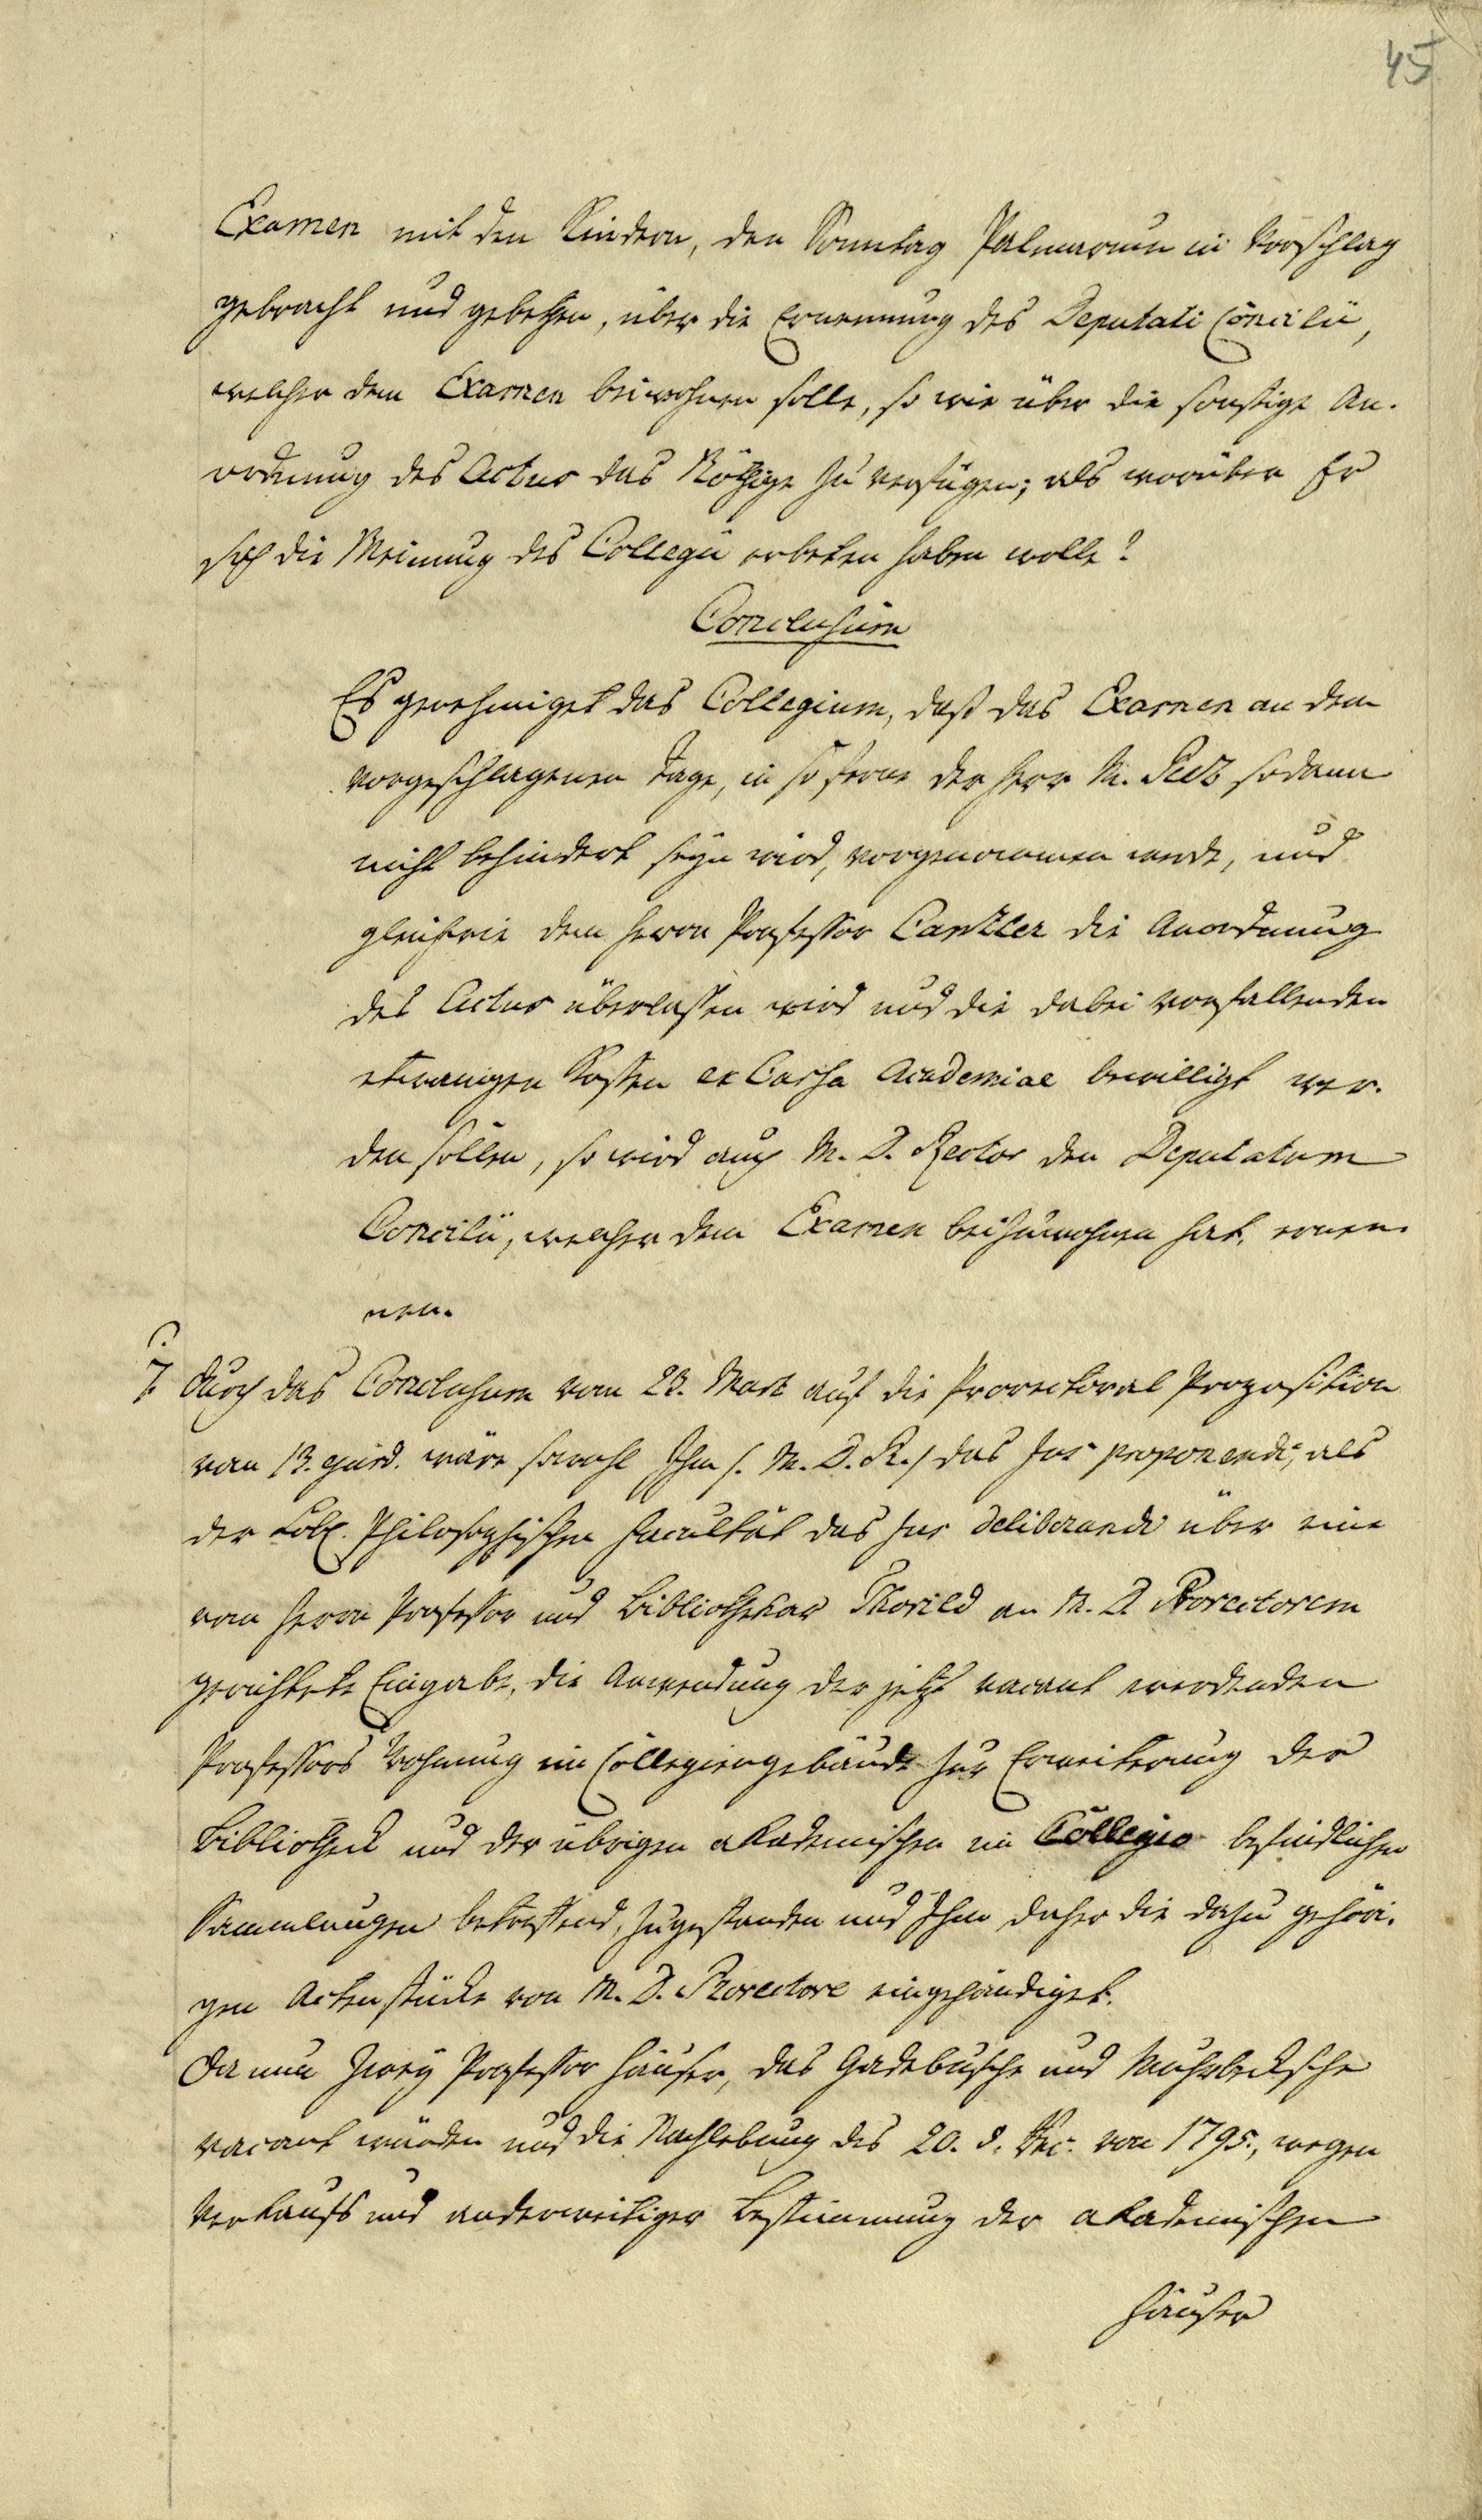Examen mit den Kindern, den Sonntag Palmarum in Vorschlag
gebracht und gebethen, über die Ernennung des Deputati Concilii,
welcher dem Examen beiwohnen solle, so wie über die sonstige An¬
ordnung des Actus das Nöthige zu verfügen, als worüber Er
sich die Meinung des Collegii erbeten haben wolle?
Conclusum
Es genehmiget das Collegium, daß das Examen an dem
vorgeschlagenen Tage, in so ferne der Herr M. Pelz sodann
nicht behindert seÿn wird, vorgenommen werde, und
gleichwie dem Herrn Professor Canzler die Anordnung
des Actus überlassen wird und die dabei vorfallenden
etwanigen Kosten ex Cassa Academiae bewilligt wer¬
den sollen, so wird auch M. D. Rector den Deputatum
Concilii, welcher dem Examen beizuwohnen hat, ernen¬
nen.
7. Durch das Conclusum vom 23. Mart auf die Prorectorat Proposition
vom 13. ejusd. wäre sowohl Ihm /. M. D. R./ das Jus proponendi, als
der Löbl. Philosophischen Facultät das Jus deliberandi über eine
von Herrn Professor und Bibliothekar Thorild an M. D. Prorectorem
gerichtete Eingabe, die Anwendung der jetzt vacant werdenden
Professors Wohnung im Collegiengebäude zur Erweiterung der
Bibliotheck und der übrigen akademischen im Collegio befindlichen
Sammlungen betreffend, zugestanden und Ihm daher die dazu gehöri¬
gen Actenstücke von M. D. Prorectore eingehändiget.
Da nun zweÿ Professor Häuser, das Gadebusche und Muhrbecksche
vacant würden und die Nachlebung des 20. §. Rec. von 1795., wegen
Verkaufs und anderweitiger Bestimmung der akademischen
Häuser